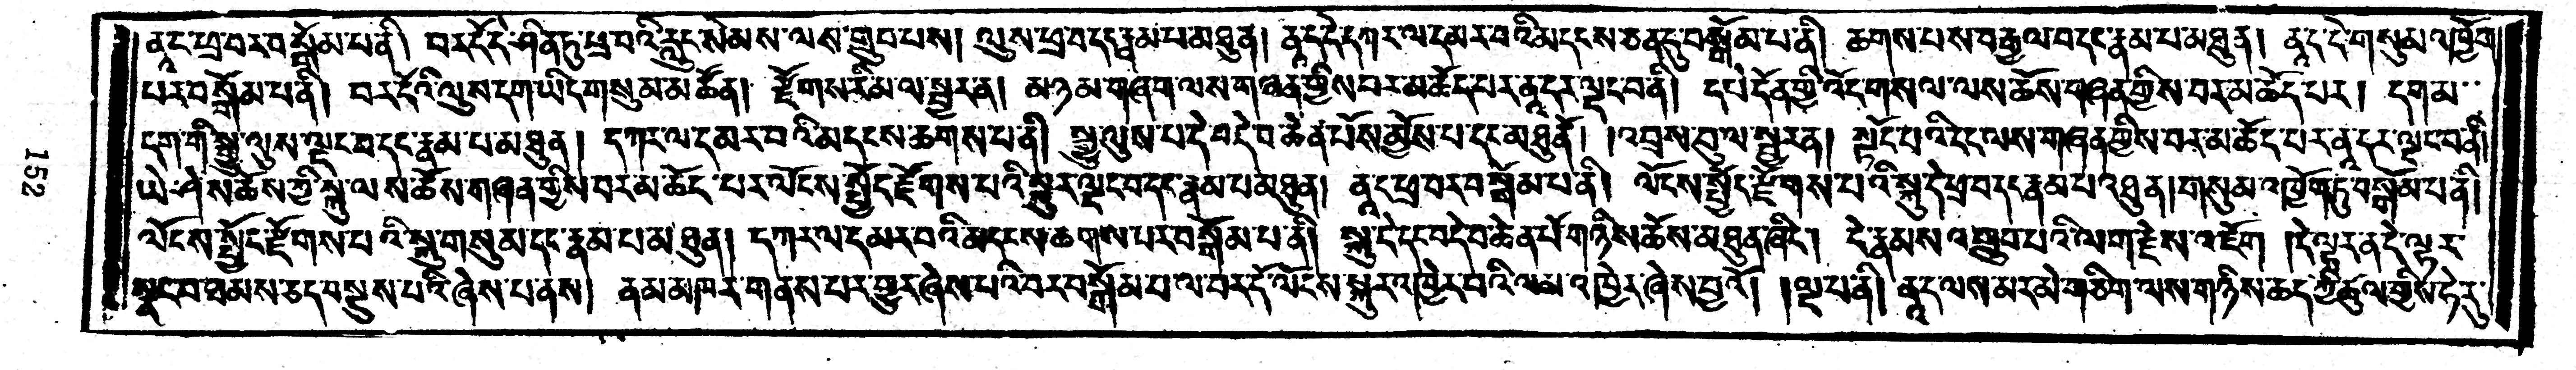ནཱ་ད་ཕྲ་བར་བསྒོམ་པ་ནི། བར་དོ་དེ་ཤིན་ཏུ་ཕྲ་བའི་རླུང་སེམས་ལས་གྲུབ་པས། ལུས་ཕྲ་བ་དང་རྣམ་པ་མཐུན། ནཱ་ད་དེ་དཀར་ལ་དམར་བའི་མདངས་ཅན་དུ་བསྒོམ་པ་ནི། ཆགས་པས་བརྒྱལ་བ་དང་རྣམ་པ་མཐུན། ནཱ་ད་དེ་གསུམ་འཁྱོག་
པར་བསྒོམ་པ་ནི། བར་དོའི་ལུས་དག་ཡིད་གསུམ་མཚོན། རྫོགས་རིམ་ལ་སྦྱར་ན། མཉམ་གཞག་ལས་གཞན་གྱིས་བར་མ་ཆོད་པར་ནཱ་དར་ལྡང་བ་ནི། དཔེ་དོན་གྱི་འོད་གསལ་ལས་ཆོས་གཞན་གྱིས་བར་མ་ཆོད་པར། དག་མ་
དག་གི་སྒྱུ་ལུས་ལྡང་བ་དང་རྣམ་པ་མཐུན། དཀར་ལ་དམར་བའི་མདངས་ཆགས་པ་ནི། སྒྱུ་ལུས་པ་དེ་བདེ་བ་ཆེན་པོས་མྱོས་པ་དང་མཐུ་ནོ། །འབྲས་བུ་ལ་སྦྱར་ན། སྟོང་པའི་དང་ལས་གཞན་གྱིས་བར་མ་ཆོད་པར་ནཱ་དར་ལྡང་བ་ནི།
ཡེ་ཤེས་ཆོས་ཀྱི་སྐུ་ལས་ཆོས་གཞན་གྱིས་བར་མ་ཆོད་པར་ལོངས་སྤྱོད་རྫོགས་པའི་སྐུར་ལྡང་བ་དང་རྣམ་པ་མཐུན། ནཱ་ད་ཕྲ་བར་བསྒོམ་པ་ནི། ལོངས་སྤྱོད་རྫོགས་པའི་སྐུ་དེ་ཕྲ་བ་དང་རྣམ་པ་འཐུན། གསུམ་འཁྱོག་ཏུ་བསྒོམ་པ་ནི།
ལོངས་སྤྱོད་རྫོགས་པའི་སྐུ་གསུམ་དང་རྣམ་པ་མཐུན། དཀར་ལ་དམར་བའི་མདངས་ཆགས་པར་བསྒོམ་པ་ནི། སྐུ་དེ་དང་བདེ་བ་ཆེན་པོ་གཉིས་ཆོས་མཐུན་ཞིང་། དེ་རྣམས་འགྲུབ་པའི་ལག་རྗེས་འཇོག །དེ་ལྟར་ན་དེ་ལྟར་
སྣང་བ་ཐམས་ཅད་བསྡུས་པའི་ཞེས་པ་ནས། ནམ་མཁར་གནས་པར་གྱུར་ཞེས་པའི་བར་བསྒོམ་པ་ལ་བར་དོ་ལོངས་སྐུར་འཁྱེར་བའི་ལམ་འཁྱེར་ཞེས་བྱའོ། །ལྔ་པ་ནི། ནཱ་ད་ལས་མར་མེ་གཅིག་ལས་གཉིས་ཆད་ཀྱི་ཚུལ་གྱིས་ཧེ་རུ་